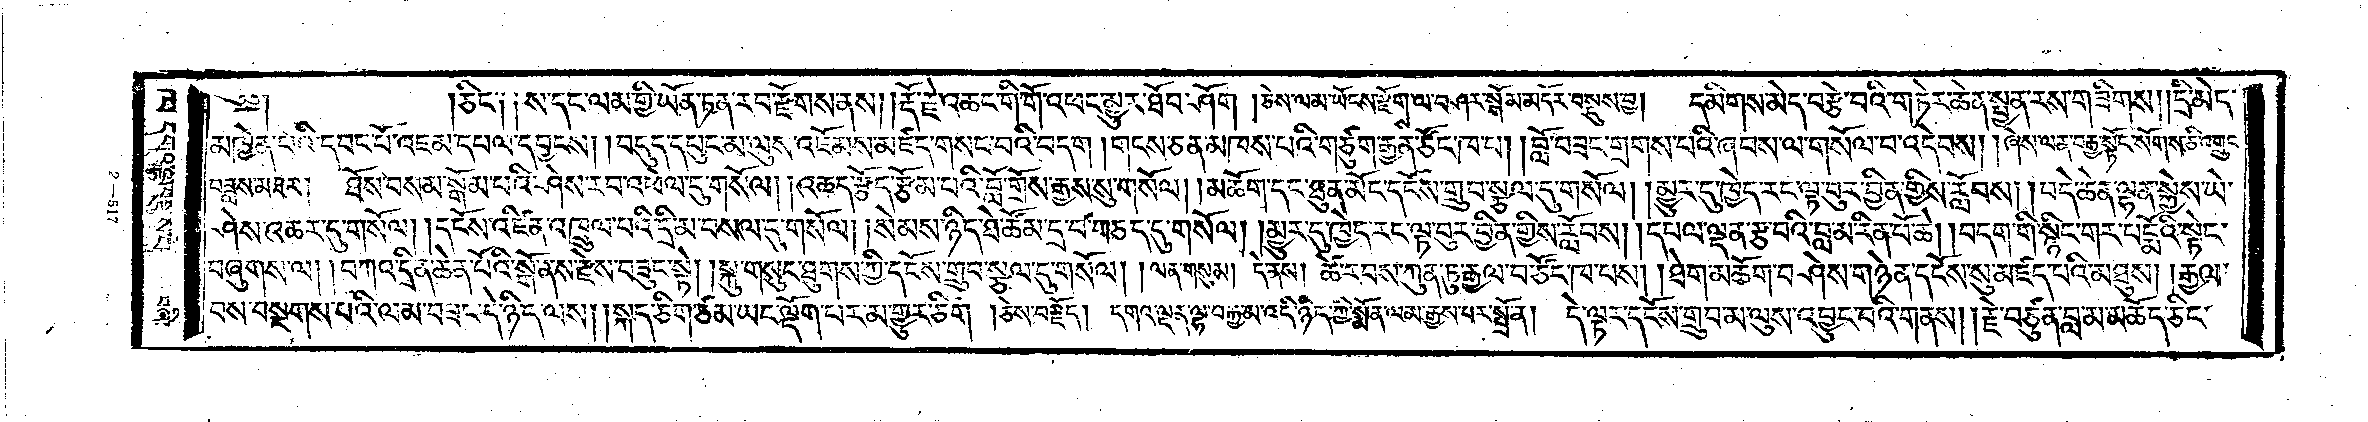༄༅། །ཅིང༑ ༑ས་དང་ལམ་གྱི་ཡོན་ཏན་རབ་རྫོགས་ནས། །རྡོ་རྗེ་འཆང་གི་གོ་འཕང་མྱུར་ཐོབ་ཤོག་།ཅེས་ལམ་ཡོངས་རྫོགས་ལ་བཤར་སྒོམ་མདོར་བསྡུས་བྱ།  དམིགས་མེད་བརྩེ་བའི་གཏེར་ཆེན་སྤྱན་རས་གཟིགས། །དྲི་མེད་
མཁྱེན་པའི་དབང་པོ་འཇམ་དཔལ་དབྱངས། །བདུད་དཔུང་མ་ལུས་འཇོམས་མཛད་གསང་བའི་བདག །གངས་ཅན་མཁས་པའི་གཙུག་རྒྱན་ཙོང་ཁ་པ། །བློ་བཟང་གྲགས་པའི་ཞབས་ལ་གསོལ་བ་འདེབས། །ཞེས་ལན་བརྒྱ་སྟོང་སོགས་ཅི་འགྲུབ་
བཟླས་མཐར། ཐོས་བསམ་སྒོམ་པའི་ཤེས་རབ་འཕེལ་དུ་གསོལ། །འཆད་རྩོད་རྩོམ་པའི་བློ་གྲོས་རྒྱས་སུ་གསོལ། །མཆོག་དང་ཐུན་མོང་དངོས་གྲུབ་སྩལ་དུ་གསོལ། །མྱུར་དུ་ཁྱེད་རང་ལྟ་བུར་བྱིན་གྱིས་རློབས། །བདེ་ཆེན་ལྷན་སྐྱེས་ཡེ་
ཤེས་འཆར་དུ་གསོལ། །དངོས་འཛིན་འཁྲུལ་པའི་དྲི་མ་བསལ་དུ་གསོལ། །སེམས་ཉིད་ཐེ་ཚོམ་དྲ་བ་གཅད་དུ་གསོལ། །མྱུར་དུ་ཁྱེད་རང་ལྟ་བུར་བྱིན་གྱིས་རློབས། །དཔལ་ལྡན་རྩ་བའི་བླ་མ་རིན་པོ་ཆེ། །བདག་གི་སྙིང་གར་པདམོའི་སྟེང་
བཞུགས་ལ། །བཀའ་དྲིན་ཆེན་པོའི་སྒོ་ནས་རྗེས་བཟུང་སྟེ། །སྐུ་གསུང་ཐུགས་ཀྱི་དངོས་གྲུབ་སྩལ་དུ་གསོལ། །ལན་གསུམ། དེ་ནས།  ཚེ་རབས་ཀུན་ཏུ་རྒྱལ་བ་ཙོང་ཁ་པས། །ཐེག་མཆོག་བཤེས་གཉེན་དངོས་སུ་མཛད་པའི་མཐུས། །རྒྱལ་
བས་བསྔགས་པའི་ལམ་བཟང་དེ་ཉིད་ལས། །སྐད་ཅིག་ཙམ་ཡང་ལྡོག་པར་མ་གྱུར་ཅིག་།ཅེས་བརྗོད། དགའ་ལྡན་ལྷ་བརྒྱ་མ་འདི་ཉིད་ཀྱི་སྨོན་ལམ་རྒྱས་པར་སྤྲོ་ན།  དེ་ལྟར་དངོས་གྲུབ་མ་ལུས་འབྱུང་བའི་གནས། །རྗེ་བཙུན་བླ་མ་མཆོད་ཅིང་